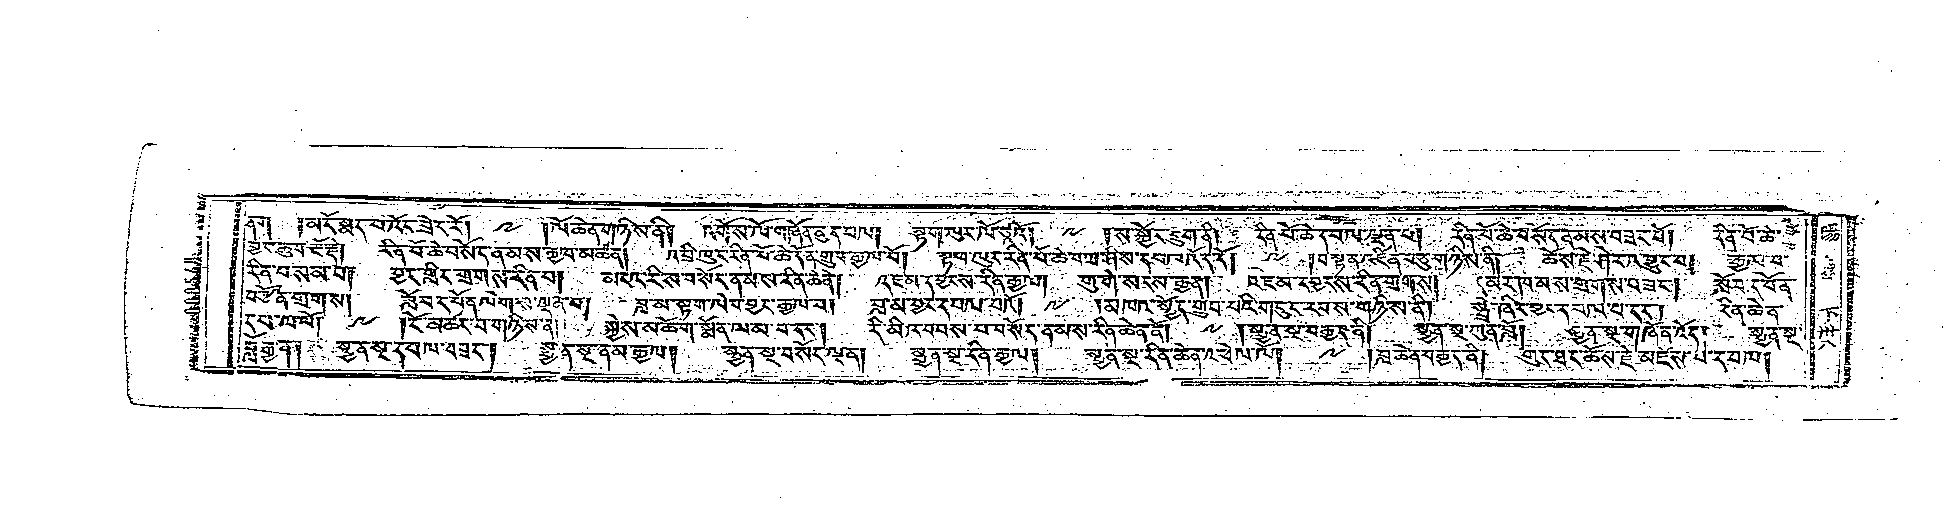ནག །མདོ་སྨད་པ་འོང་ཟེར་རོ། ༧་།ལོ་ཆེན་གཉིས་ནི། འགོ་ས་ལོ་གཞོན་ནུ་དཔལ། སྟག་ལུང་ལོ་ཙཱའོ། ༧་།ས་སྐྱོང་དྲུག་ནི། རིན་པོ་ཆེ་དཔལ་ལྡན་པ། རིན་པོ་ཆེ་བསོད་ནམས་བཟང་པོ། རིན་པོ་ཆེ་
བྱང་ཆུབ་རྡོ་རྗེ། རིན་པོ་ཆེ་བསོད་ནམས་རྒྱལ་མཚན། འབྲི་ལུང་རིན་པོ་ཆེ་དོན་གྲུབ་རྒྱལ་པོ། སྟག་ལུང་རིན་པོ་ཆེ་བཀྲ་ཤིས་དབལ་འོད་དོ། ༧་།བསྟན་འཛིན་བཅུ་གཉིས་ནི། ཆོས་རྗེ་ཤེར་འབྱུང་བ། རྒྱལ་བ་
རིན་བསམ་བ། བྱང་གླིང་གྲགས་རིན་པ། མངའ་རིས་བསོད་ནམས་རིན་ཆེན། འཇམ་དབྱངས་རིན་རྒྱལ། གུ་གེ་སངས་རྒྱན། འཇམ་དབྱངས་རིན་གྲགས། དམར་ཁམས་གྲགས་བཟང་། སློབ་དཔོན་
བརྩོན་གྲགས། སློབ་དཔོན་ལེགས་ལྡན་པ། བླ་མ་སྟག་ལེབ་བྱང་རྒྱལ་བ། བླ་མ་བྱང་དཔལ་པའོ། ༧་།མཁའ་སྤྱོད་གྲུབ་པའི་གདུང་རབས་གཉིས་ནི། སྤྲེ་ཞིང་བྱང་དཔལ་པ་དང་། རིན་ཆེན་
དཔལ་ལོ། ༧་།ངོ་མཚང་པ་གཉིས་ན། སྐྱེས་མཆོག་སྨོན་ལམ་བ་དང་། རི་མི་འབབས་པ་བསོད་ནམས་རིན་ཆེན་ནོ། ༧་།སྤྱན་སྔ་བརྒྱད་ནི། སྤྱན་སྔ་ཀུན་བློ། སྤྱན་སྔ་གཞོན་འོད། སྤྱན་སྔ་
བློ་རྒྱན། སྤྱན་སྔ་དཔལ་བཟང་། སྤྱན་སྔ་ནམ་རྒྱལ། སྤྱན་སྔ་བསོད་ལྡན། སྤྱན་སྔ་རིན་རྒྱལ། སྤྱན་སྔ་རིན་ཆེན་འཕེལ་ལོ། ༧་།བླ་ཆེན་བརྒྱད་ནི། གུད་ཐང་ཆོས་རྗེ་མཛེས་པ་དཔལ།